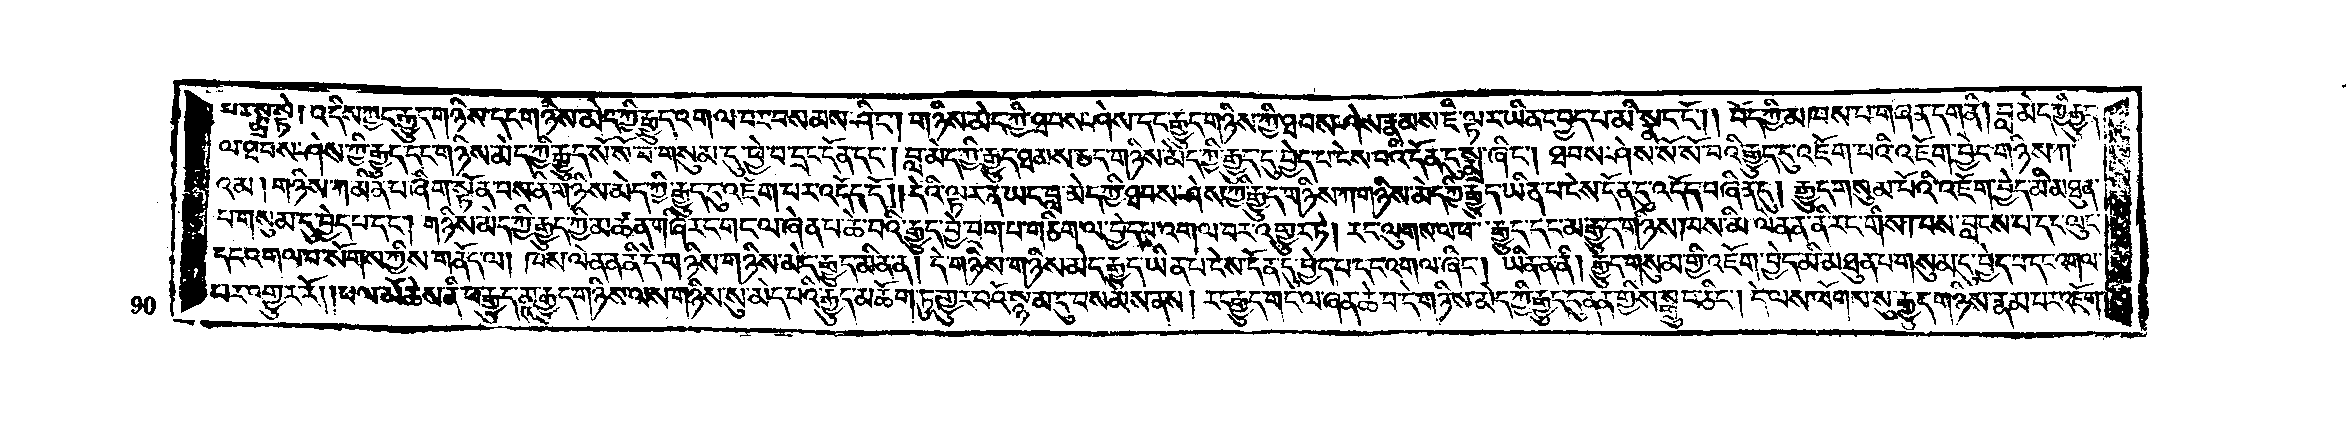པར་སྨྲ་སྟེ། འདིས་ཀྱང་རྒྱུད་གཉིས་དང་གཉིས་མེད་ཀྱི་རྒྱུད་འགལ་བར་བསམས་ཤིང་། གཉིས་མེད་ཀྱི་ཐབས་ཤེས་དང་རྒྱུད་གཉིས་ཀྱི་ཐབས་ཤེས་རྣམས་ཇི་ལྟར་ཡིན་དཔྱད་པ་མི་སྣང་ངོ། །བོད་ཀྱི་མཁས་པ་གཞན་དག་ནི། བླ་མེད་ཀྱི་རྒྱུད་
ལ་ཐབས་ཤེས་ཀྱི་རྒྱུད་དང་གཉིས་མེད་ཀྱི་རྒྱུད་སོ་སོ་བ་གསུམ་དུ་ཕྱེ་བ་དྲང་དོན་དང་། བླ་མེད་ཀྱི་རྒྱུད་ཐམས་ཅད་གཉིས་མེད་ཀྱི་རྒྱུད་དུ་བྱེད་པ་ངེས་པའི་དོན་དུ་སྨྲ་ཞིང་། ཐབས་ཤེས་སོ་སོ་བའི་རྒྱུད་དུ་འཇོག་པའི་འཇོག་བྱེད་གཉིས་ཀ་
འམ། གཉིས་ཀ་མིན་པ་ཞིག་སྟོན་པས་ནི་གཉིས་མེད་ཀྱི་རྒྱུད་དུ་འཇོག་པར་འདོད་དོ། །དེའི་ལྟར་ན་ཡང་བླ་མེད་ཀྱི་ཐབས་ཤེས་ཀྱི་རྒྱུད་གཉིས་ཀ་གཉིས་མེད་ཀྱི་རྒྱུད་ཡིན་པ་ངེས་དོན་དུ་འདོད་བཞིན་དུ། རྒྱུད་གསུམ་པོའི་འཇོག་བྱེད་མི་མཐུན་
པ་གསུམ་དུ་བྱེད་པ་དང་། གཉིས་མེད་ཀྱི་རྒྱུད་ཀྱི་མཚན་གཞི་རང་གང་ལ་ཞེན་པ་ཆེ་བའི་རྒྱུད་བྱེ་བྲག་པ་གཅིག་ལ་བྱེད་པ་འགལ་བར་འགྱུར་ཏེ། རང་ལུགས་ལ་ཕ་རྒྱུད་དང་མ་རྒྱུད་གཉིས་ཁས་མི་ལེན་ན་ནི་རང་གིས་ཁས་བླངས་པ་དང་ལུང་
དང་འགལ་བ་སོགས་ཀྱིས་གནོད་ལ། ཁས་ལེན་ན་ནི་དེ་གཉིས་གཉིས་མེད་རྒྱུད་མིན་ན། དེ་གཉིས་གཉིས་མེད་རྒྱུད་ཡིན་པ་ངེས་དོན་དུ་བྱེད་པ་དང་འགལ་ཞིང་། ཡིན་ན་ནི། རྒྱུད་གསུམ་གྱི་འཇོག་བྱེད་མི་མཐུན་པ་གསུམ་དུ་བྱེད་པ་དང་འགལ་
བར་འགྱུར་རོ། །ཕལ་མོ་ཆེས་ནི་ཕ་རྒྱུད་དང་མ་རྒྱུད་གཉིས་ལས་གཉིས་སུ་མེད་པའི་རྒྱུད་མཆོག་ཏུ་གྱུར་པའོ་སྙམ་དུ་བསམས་ནས། རང་རྒྱུད་གང་ལ་ཞེན་ཆེ་བ་དེ་གཉིས་མེད་ཀྱི་རྒྱུད་དུ་ནན་གྱིས་སྒྲུབ་ཅིང་། དེ་ལས་ལོགས་སུ་རྒྱུད་གཉིས་རྣམ་པར་འཇོག་